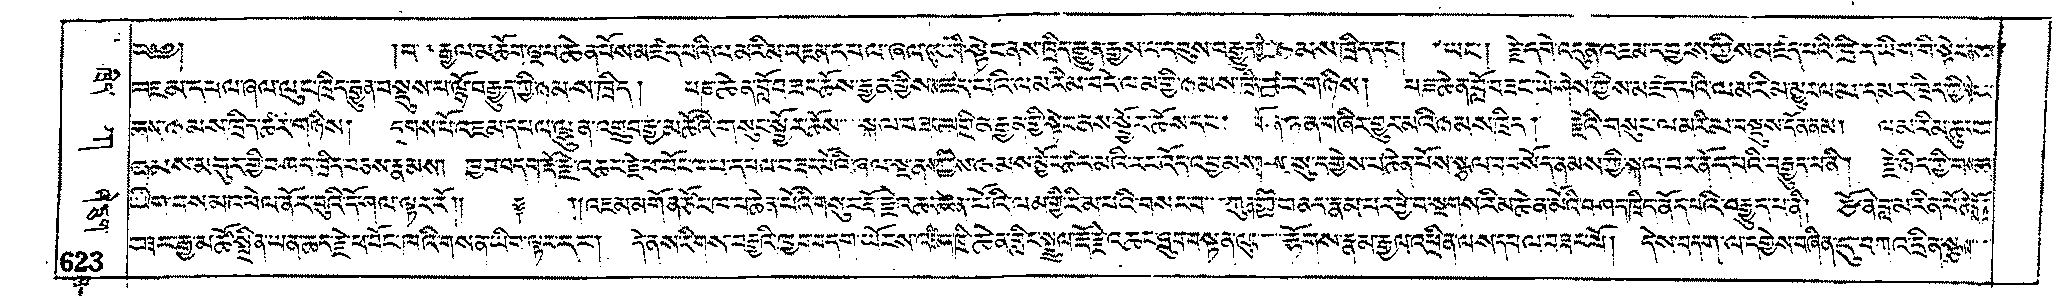༄༅། །བ ༧རྒྱལ་མཆོག་ལྔ་པ་ཆེན་པོས་མཛད་པའི་ལམ་རིམ་འཇམ་དཔལ་ཞལ་ལུང་གི་སྟེང་ནས་ཁྲིད་རྒྱུན་རྒྱས་པ་དབུས་བརྒྱུད་ཀྱི་ཉམས་ཁྲིད་དང་། ༧་ཡང་། རྗེ་དགེ་འདུན་འཇམ་དབྱངས་ཀྱིས་མཛད་པའི་ཁྲིད་ཡིག་གི་སྟེང་ནས་
འཇམ་དཔལ་ཞལ་ལུང་ཁྲིད་རྒྱུན་བསྡུས་པ་ལྷོ་བརྒྱུད་ཀྱི་ཉིད་ཉམས་ཁྲིད། པཎ་ཆེན་བློ་བཟང་ཆོས་རྒྱན་གྱིས་མཛད་པའི་ལམ་རིམ་བདེ་ལམ་གྱི་ཉམས་ཁྲིད་ཚར་གཉིས། པཎ་ཆེན་བློ་བཟང་ཡེ་ཤེས་ཀྱིས་མཛད་པའི་ལམ་རིམ་མྱུར་ལམ་དམར་ཁྲིད་ཀྱི་སྟེང་
ནས་ཉམས་ཁྲིད་ཚར་གཉིས། དྭགས་པོ་འཇམ་དཔལ་ལྷུན་འགྲུབ་རྒྱ་མཚོའི་གསུང་སྦྱོར་ཆོསྶྐལ་བཟང་མགྲིན་རྒྱན་གྱི་སྟེང་ནས་སྦྱོར་ཆོས་དང་། ཡོན་ཏན་གཞིར་གྱུར་མའི་ཉམས་ཁྲིད། རྗེའི་གསུང་ལམ་རིམ་བསྡུས་དོན་ནམ། ལམ་རིམ་ཆུང་བ་
ཉམས་མགུར་གྱི་བཤད་ཁྲིད་བཅས་རྣམས། ཁྱབ་བདག་རྡོ་རྗེ་འཆང་རྗེ་ཕ་བོང་ཁ་པ་དཔལ་བཟང་པོའི་ཞལ་སྔ་ནས་ཀྱིས་ཉམས་མྱོང་ཚད་མའི་རང་འོད་འབྱམས་ཀླས་སུ་དགྱེས་པ་ཆེན་པོས་སྩལ་བ་བསོད་ནམས་ཀྱི་སྐལ་བར་ནོད་པའི་བརྒྱུད་པ་ནི། རྗེ་ཉིད་ཀྱི་གསན་
ཡིག་བསམ་འཕེལ་ནོར་བུའི་དོ་ཤལ་ལྟར་རོ།། འ་།།འཇམ་མགོན་ཙོང་ཁ་པ་ཆེན་པོའི་གསུང་རྡོ་རྗེ་འཆང་ཆེན་པོའི་ལམ་གྱི་རིམ་པའི་གསང་བཀུན་གྱི་གནད་རྣམ་པར་ཕྱེ་བ་སྔགས་རིམ་ཆེན་མོའི་བཤད་ཁྲིད་ནོད་པའི་བརྒྱུད་པ་ནི། ཅོ་ནེ་བླ་མ་རིན་པོ་ཆེ་བློ་
བཟང་རྒྱ་མཚོ་སྤྲིན་ཡན་ཆད་རྗེ་ཕ་བོང་ཁོའི་གསན་ཡིག་ལྟར་དང་། དེ་ནས་རིགས་བརྒྱའི་ཁྱབ་བདག་ཡོངས་འཛིན་ཁྲི་ཆེན་གླིང་སྤྲུལ་རྡོ་རྗེ་འཆང་ཐུབ་བསྟན་ལུངྲྟོགས་རྣམ་རྒྱལ་འཕྲིན་ལས་དཔལ་བཟང་པོ། དེས་བདག་ལ་དགྱེས་བཞིན་དུ་བཀའ་དྲིན་སྩལ་